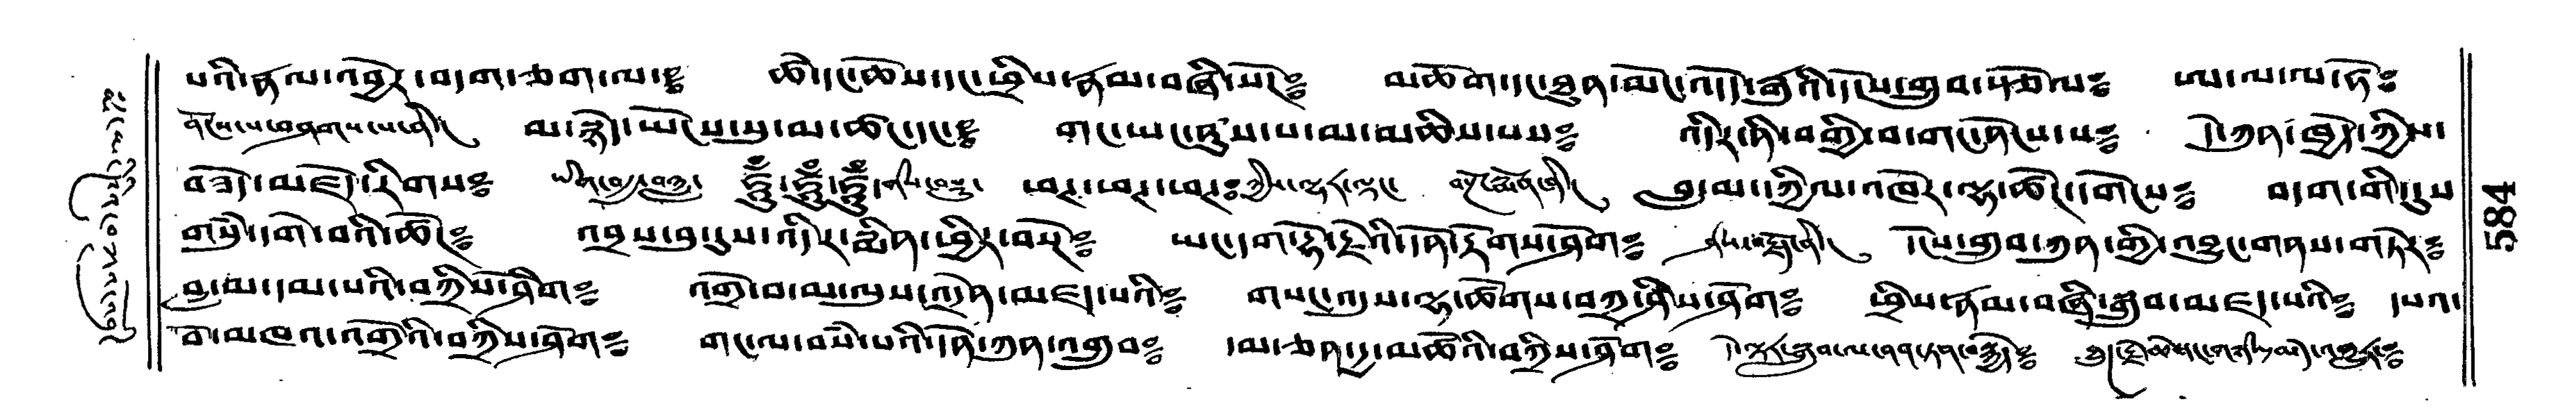པའི་རྣལ་འབྱོར་བདག་ཅག་ལ༔ ཚེ་དང་ཆོས་དང་ཕྲིན་ལས་རྣམ་བཞི་སོགས༔ མཆོག་དང་ཐུན་མོང་འདོད་རྒུའི་དངོས་གྲུབ་སྩོལ༔ ཨ་ལ་ལ་ཧོ༔ 
ནོངས་པ་བཤགས་པ་ནི། མ་སྙེད་ཡོངས་སུ་མ་ཚང་དང༔ གང་ཡང་ནུས་པ་མ་མཆིས་པས༔ འདིར་ནི་བགྱི་བ་གང་ནོངས་པ༔ དེ་ཀུན་ཁྱོད་ཀྱིས་
བཟོད་མཛད་རིགས༔ ཡིག་བརྒྱ་བཟླ། ཧཱུྃ་ཧཱུྃ་ཧཱུྃ༔ གིས་བསྡུ། ཕཊ་ཕཊ་ཕཊ༔ ཀྱིས་ལྷར་ལྡང་། བསྔོ་སྨོན་ནི། བླ་མ་དཀྱིལ་འཁོར་ལྷ་ཚོགས་དགོངས༔ བདག་གི་དུས་
གསུམ་དགེ་བའི་ཚོགས༔ འབྲས་བུ་དུས་འདིར་སྨིན་ཕྱིར་བསྔོ༔ ཡང་དག་རྡོ་རྗེའི་དོན་རྟོགས་ཤོག༔ ཤིས་བརྗོད་ནི། དངོས་གྲུབ་ཀུན་གྱི་འབྱུང་གནས་གཏེར༔ 
བླ་མ་དམ་པའི་བཀྲ་ཤིས་ཤོག༔ འགྲོ་བ་མ་ལུས་འདྲེན་མཛད་པའིཿ གསང་འདུས་ལྷ་ཚོགས་བཀྲི་ཤིས་ཤོགཿ ཕྲིས་རྣམ་བཞི་སྒྲུབ་མཛད་པའིཿ དཔའ་
བོ་མཁའ་འགྲོའི་བཀྲིས་ཤོགཿ གང་ལ་བསམ་པའི་དོན་ཀུན་གྲུབ༔ དམ་ཅན་རྒྱ་མཚོའི་བཀྲ་ཤིས་ཤོག༔ དེ་ལྟར་སྒྲུབ་ལ་ནན་ཏན་བསྐྱེད། །ཐུགས་རྗེ་ཆེ་དང་གཉིས་མེད་འགྱུར༔